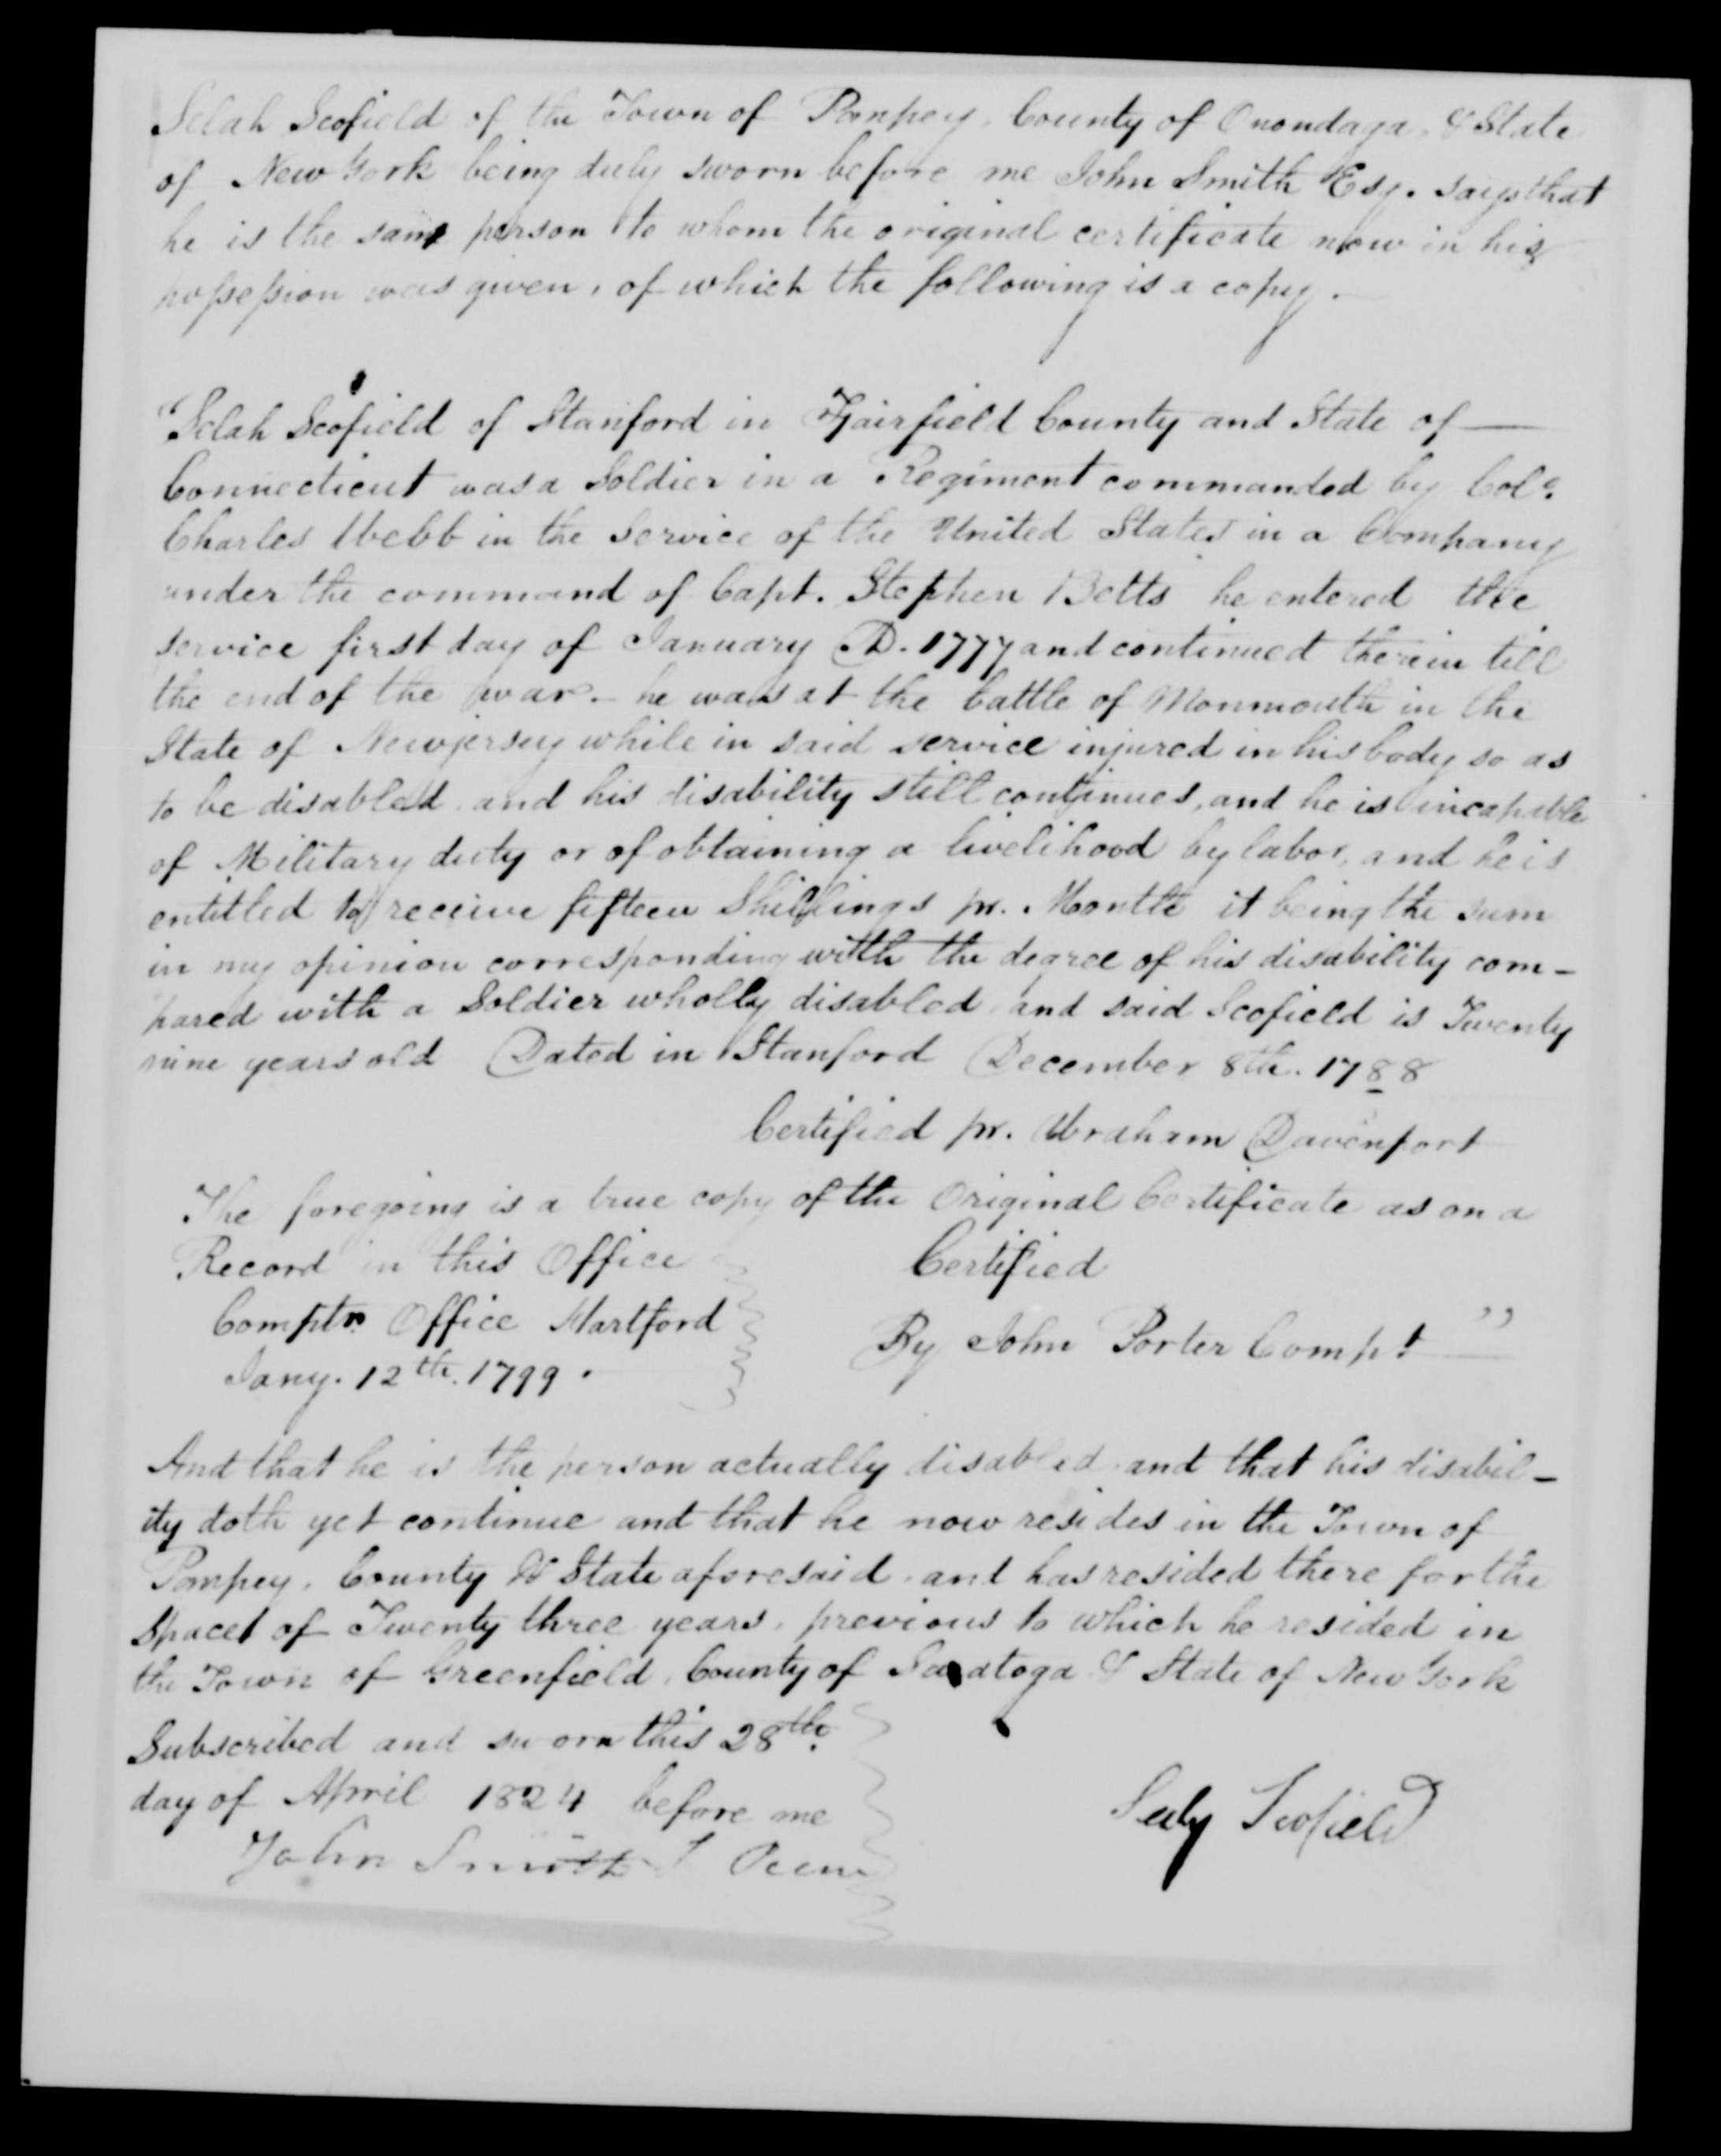Selah Scofield of the Town of Pompey County of Onondaga & State of New York being duly sworn before me John Smith Esq. says that he is the said person to whom the original certificate now in his possession was given, of which the following is a copy.   
“Selah Scofield of Stanford in Fairfield County and State of Connecticut was a soldier in a Regiment commanded by Col Charles Webb in the service of the United States in a Company under the command of Capt. Stephen Betts, he entered the service first day of January AD. 1777 and continued their till the end of the war he was at the battle of Monmouth in the State of New Jersey while in said service injured in his body so as to be disabled and his disability still continues, and he is incapable of Military duty or of obtaining a livelihood by labor, and he is entitled to receive fifteen shillings per Month, it being the sum in my opinion corresponding with the degree of his disability compared with a Soldier wholly disabled, and said Scofield is Twenty nine years old.  Dated in Stamford December 8th 1788.   
Certified per Abraham Davenport 
The foregoing is a true copy of the Original Certificate as on a Record in this Office.
Comptr Office Hartford Jany. 12th 1799 } Certified By John Porter Compt” 
And that he is the person actually disabled and that his disability doth yet continue and that he now resides in the Town of Pompey, County & State aforesaid and has resided there for the space of Twenty three years previous to which he resided in the Town of Greenfield, County of Saratoga & State of New York.   
Seely Scofield 
Subscribed and sworn this 28th day of April 1824 before me 
John Smith J Peace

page: 8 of 36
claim: survivor's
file: S. 10,004, for Seely Scofield, Connecticut